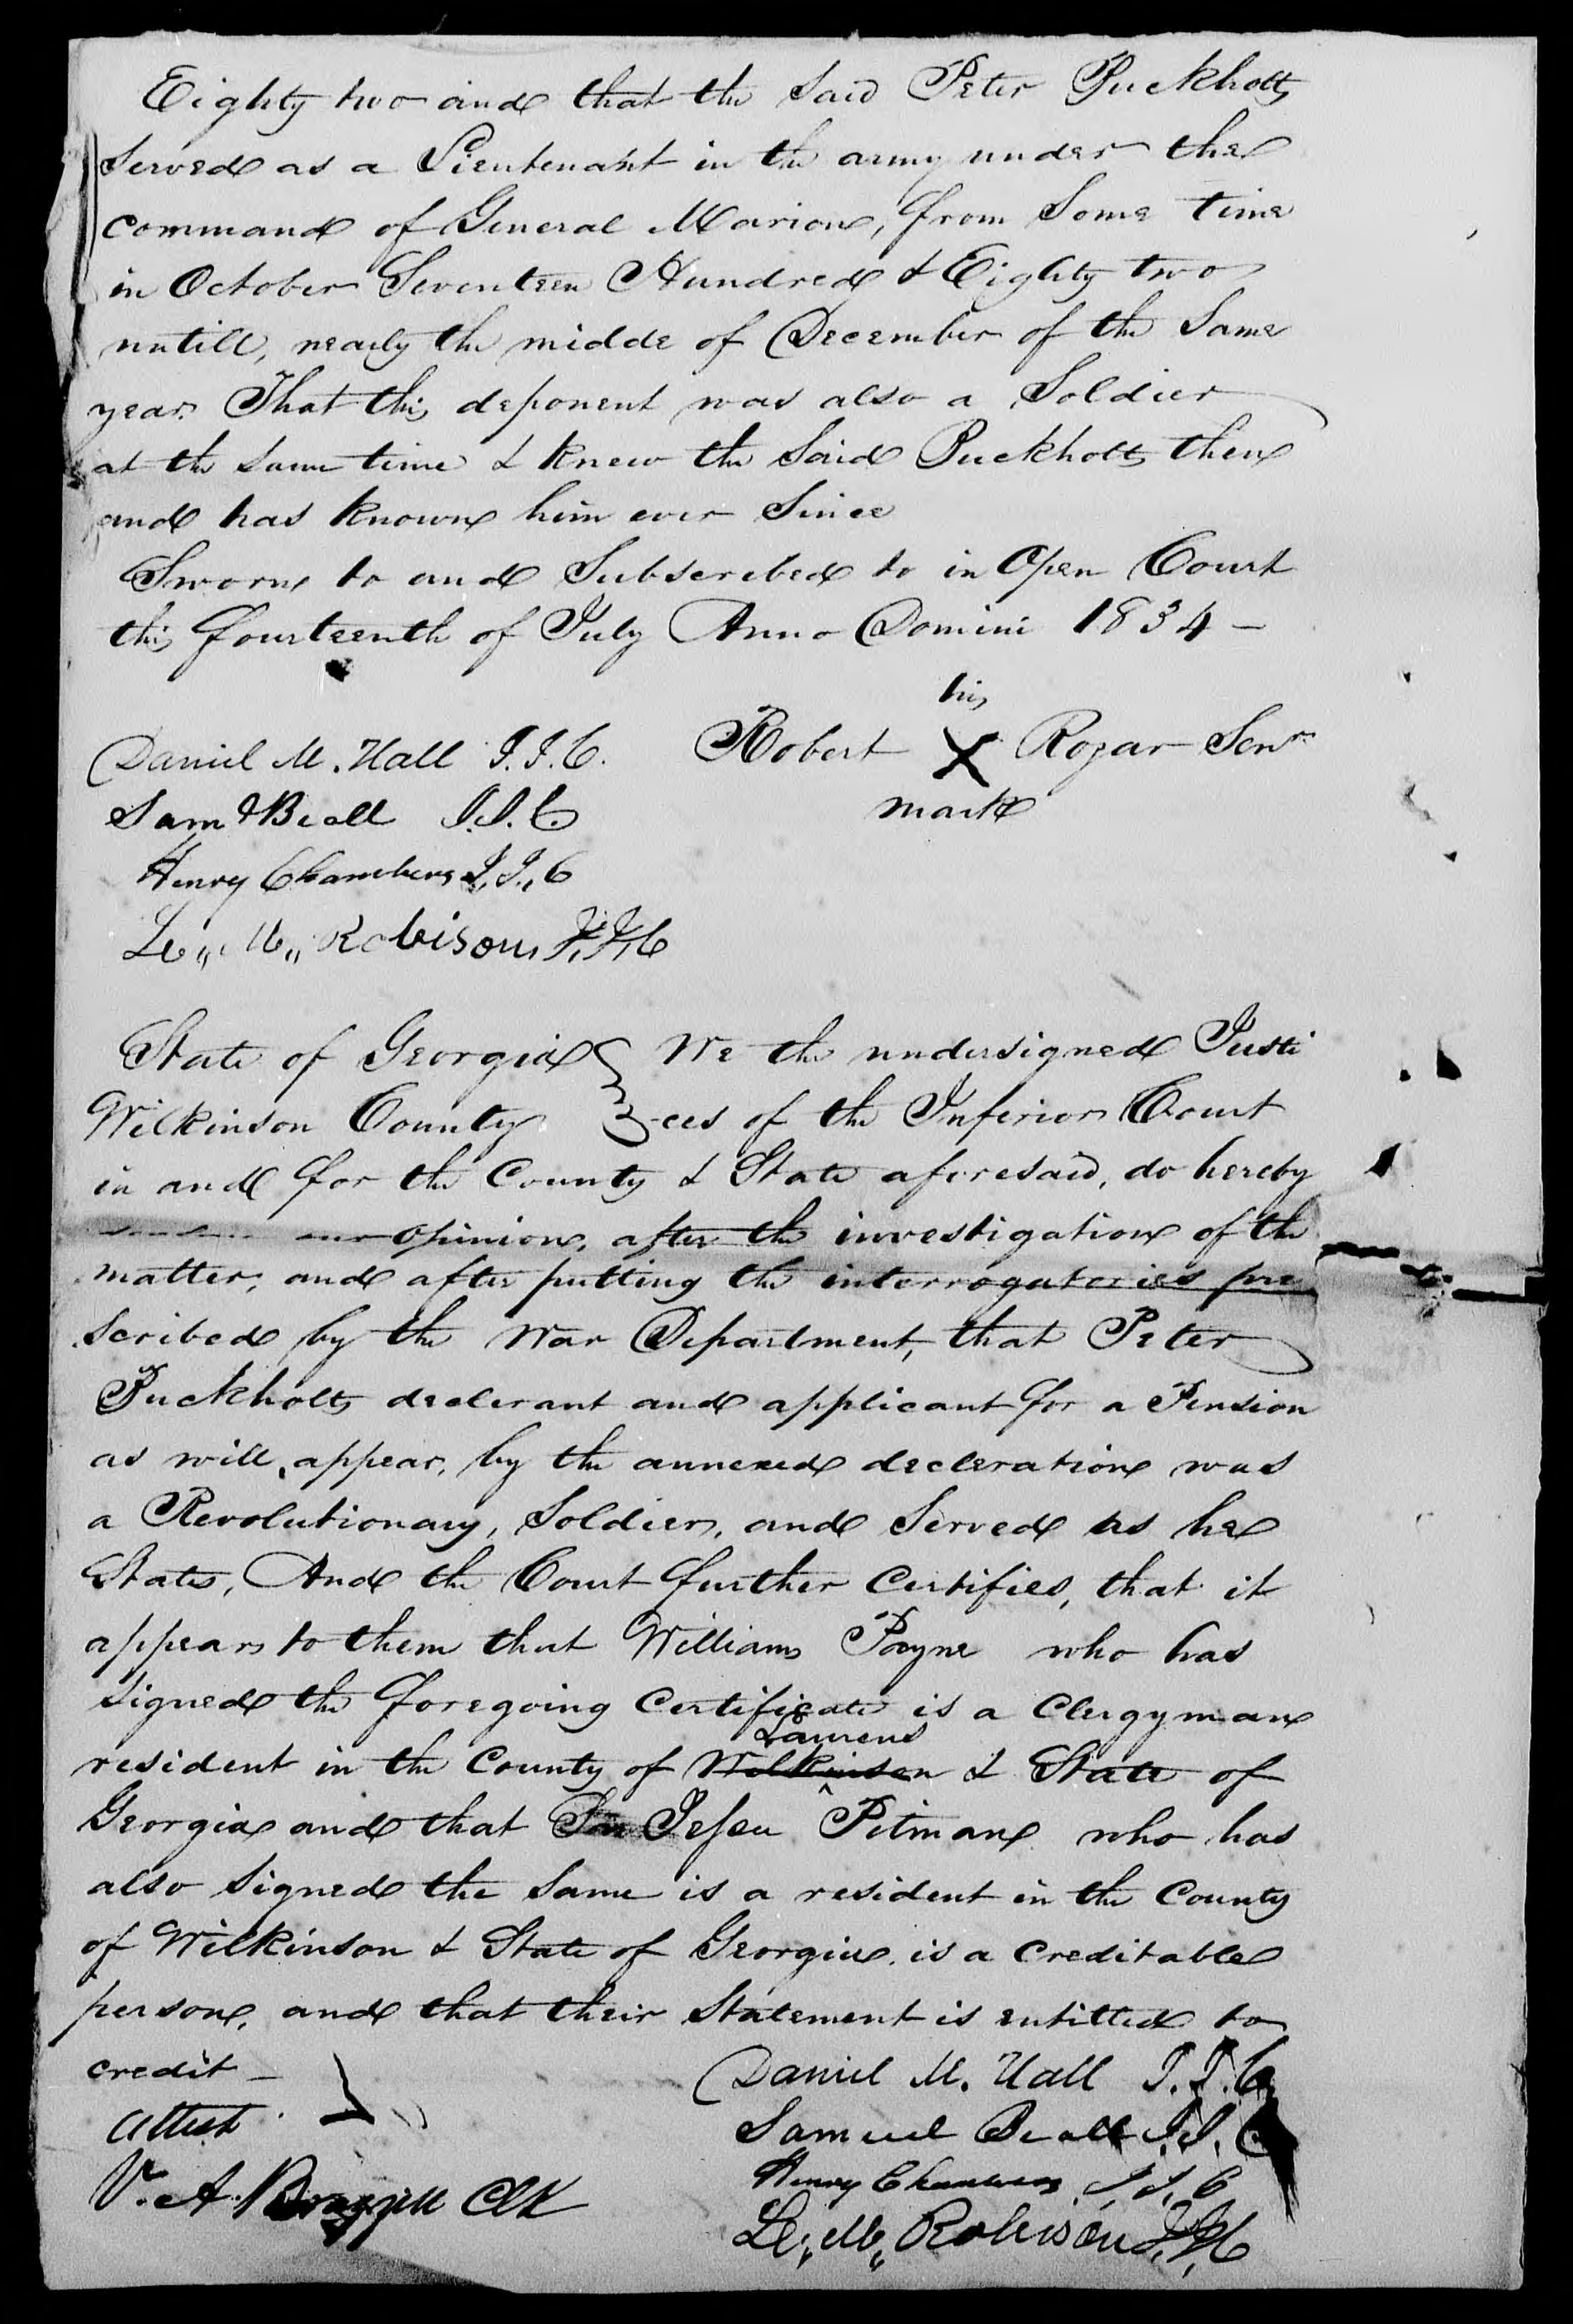Eighty two and that the said Peter Buckholts served as a Lieutenant in the army under the command of General Marion, from some time in October Seventeen Hundred & Eighty two untill, nearly the middle of December of the same year. That this deponent was also a Soldier at the same time & knew the said Buckholts then and has known him ever since
Sworn to and Subscribed to in Open Court this fourteenth of July Anno Domini 1834-
Robert Rogar Senr. his mark X
Daniel M. Hall J.J.C.
Saml Beall J.J.C.
Henry Chambers J.J.C.
L. M Robison J.J.C.

State of Georgia
Wilkinson County
We the undersigned Justices of the Inferior Court in and for the County & State aforesaid, do hereby our opinion, after the investigation of the matter, and after putting the interrogatories prescribed by the War Department, that Peter Buckholts declarant and applicant for a Pension as will appear by the annexed declaration was a Revolutionary Soldier, and served as he States, And the Court further certifies, that it appears to them that Williams Payne who has Signed the foregoing certificate is a Clergyman resident in the County of Laurens & State of Georgia and that Jesse Pitman who has also signed the same is a resident in the County of Wilkinson & State of Georgia is a creditable person, and that their statement is entitled to credit
Daniel M. Hall J.J.C.
Samuel Beall J.J.C.
Henry Chambers J.J.C.
L. M. Robison J.J.C.
attest
V.A. Brazzill clk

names: Henry Chambers, Williams Payne, Robert Rogar, Buckholts, L M Robison, Marion, Samuel Beall, Daniel M Hall, L M Robison, Daniel M Hall, Peter Buckholts, V A Brazzill, Peter Buckholts, Saml Beall, Henry Chambers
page: 11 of 23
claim: rejected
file: R. 1465, Peter Buckholts, S.C.